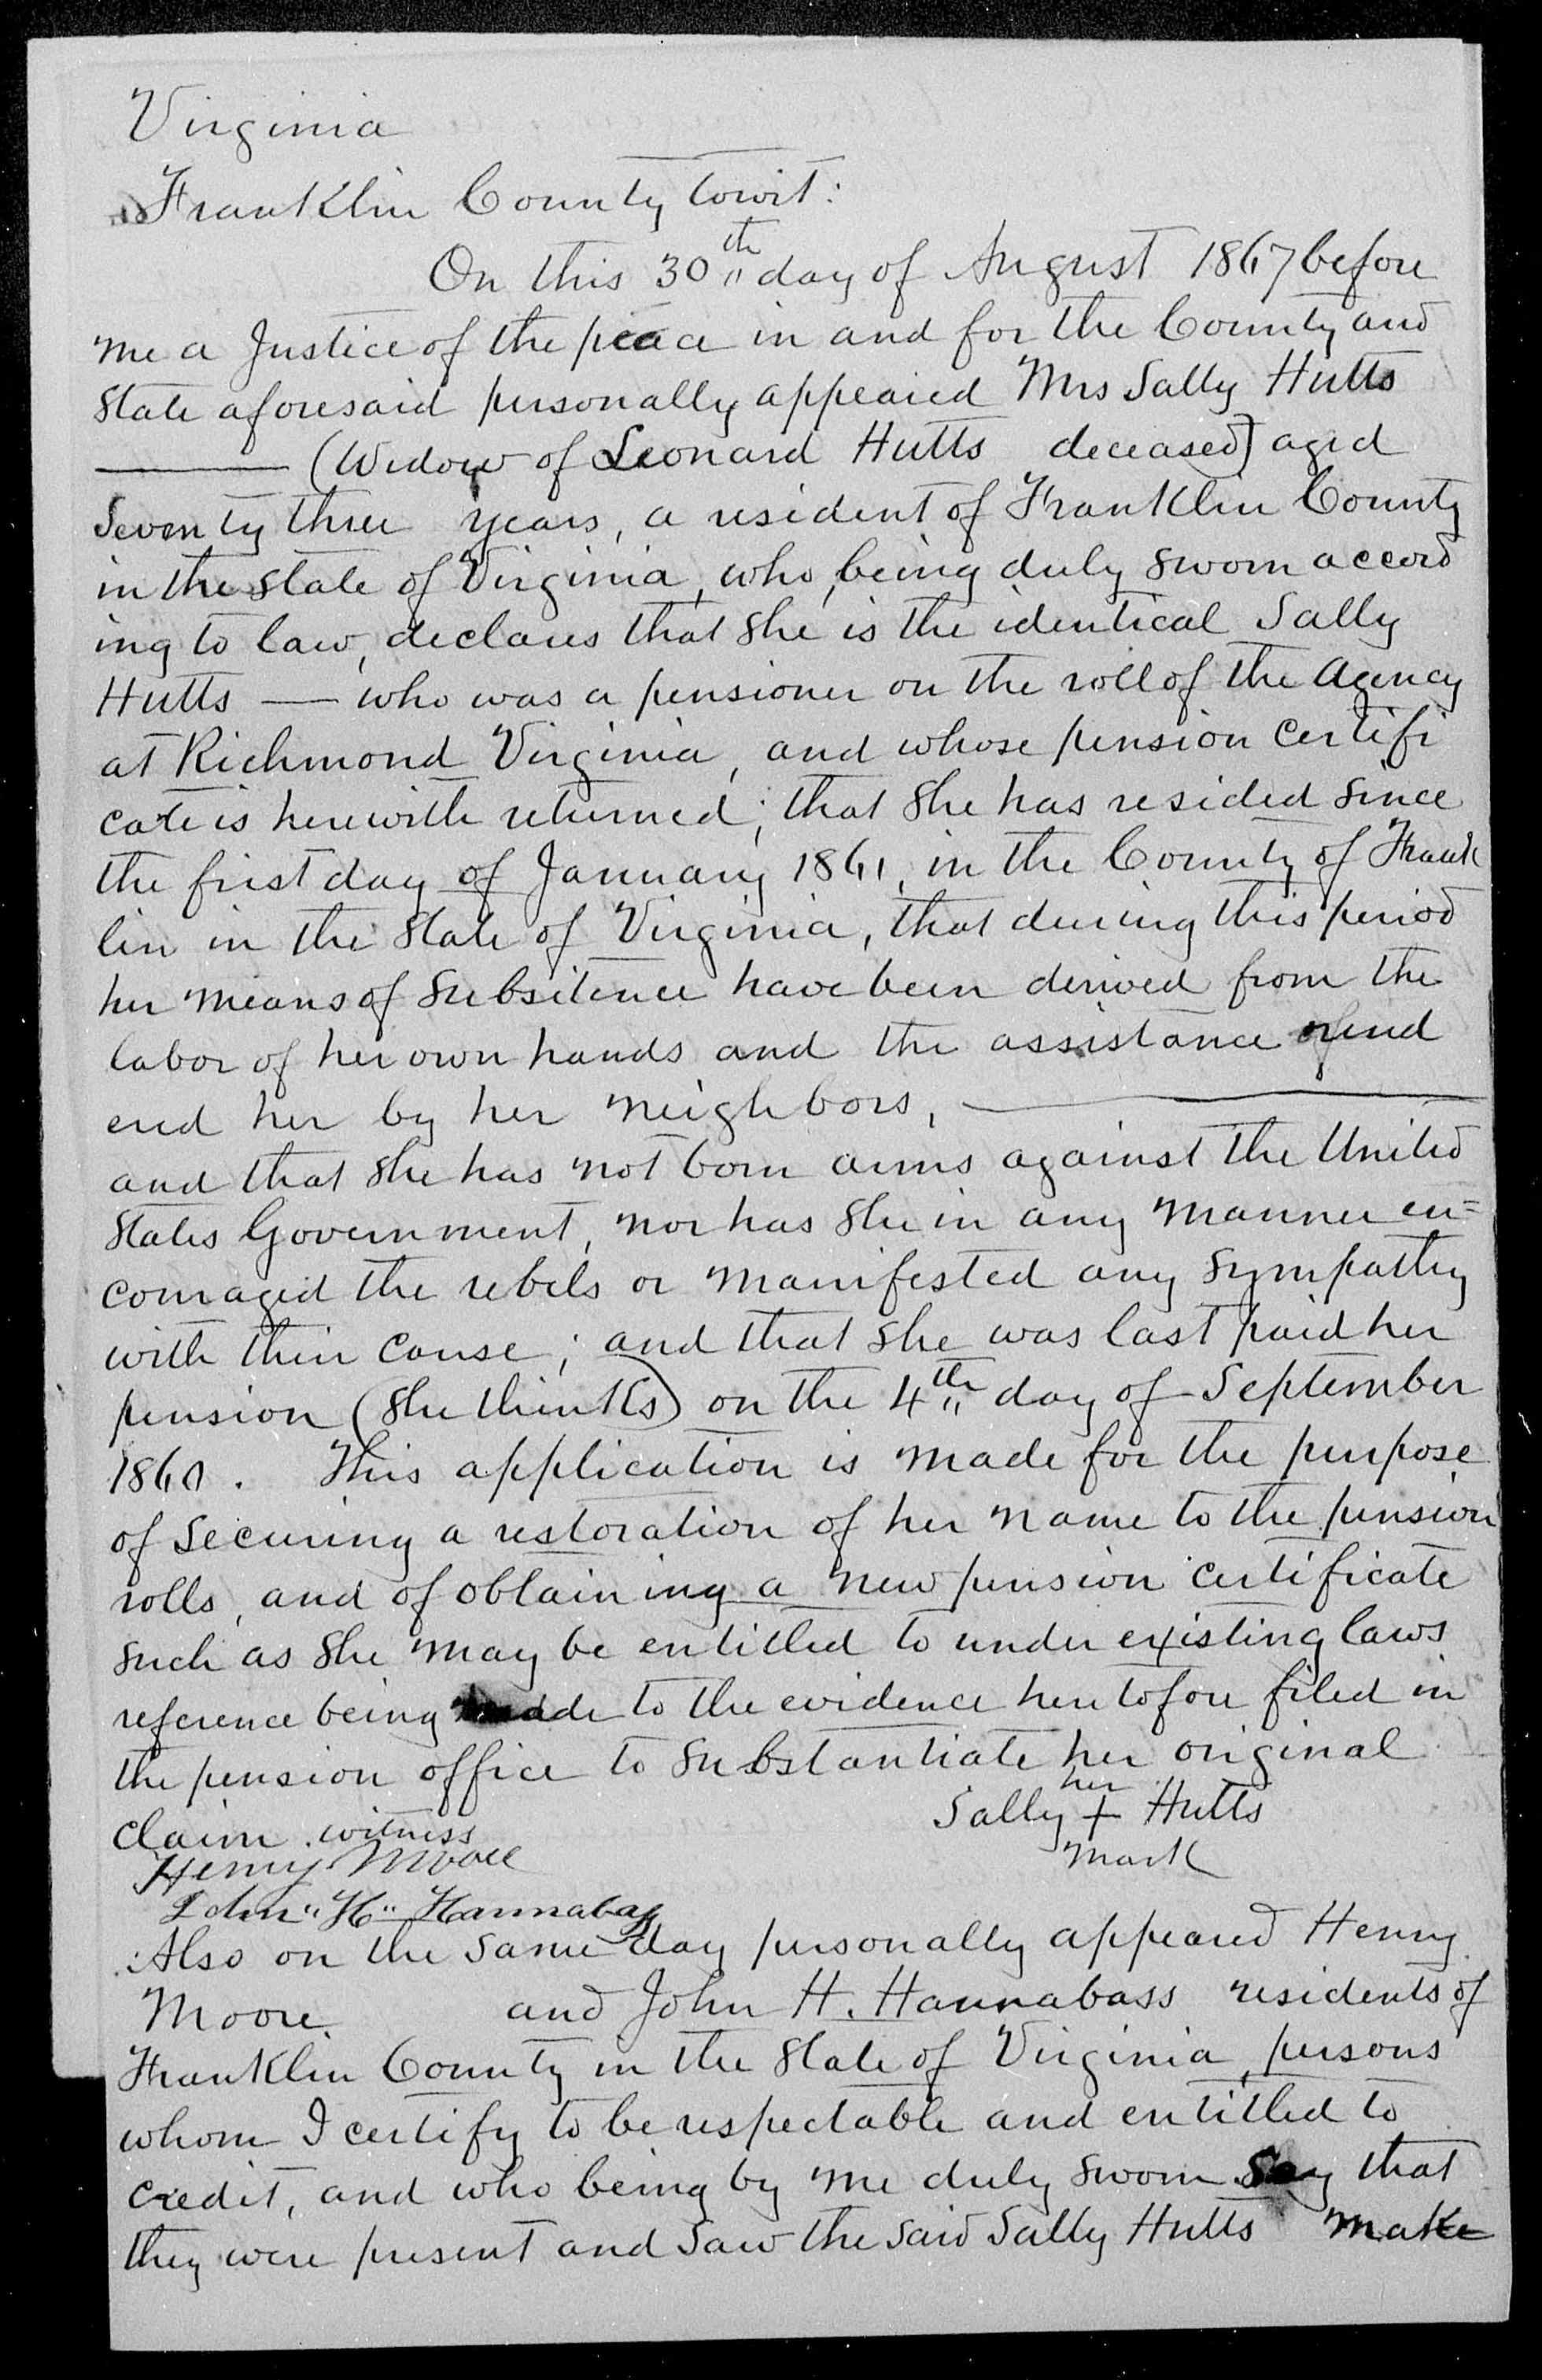Virginia
Franklin County towit:
On this 30th day of August 1867 before me a Justice of the Peace in and for the County and State aforesaid personally appeared Mrs. Sall Hutts  -  (Widow of Leonard Hutts deceased) aged Seventy three years, a resident of Franklin County in the state of Virginia, who being duly sworn according to law, declares that she is the identical Sally Hutts – who was a pensioner on the roll of the Agency at Richmond Virginia, and whose pension certificate is herewith returned; that she has resided since the first day of January 1861 in the County of Franklin in the State of Virginia, that during this period her means of subsistence have been derived from the labor of her own hands and the assistance offered her by her neighbors, - and that she has not born arms against the United States Government, nor has she in any manner encouraged the rebels or manifested any sympathy with their course; and that she was last paid her pension (she thinks) on the 4th day of September 1860. This application is made for the purpose of securing a restoration of her name to the pension rolls, and of obtaining a new pension certificate such as she may be entitled to under existing laws referenced being made to the evidence heretofore filed in the pension office to substantiate her original claim.
Sally [her + mark] Hutts
Witnesses
Henry Moore 
John H Hannabass

Also on the same day personally appeared Henry Moore and John H. Hannabass residents of Franklin County in the State of Virginia persons whom I certify to be respectable and entitled to credit, and who being by me duly sworn and that they were present and saw the said Sally Hutts make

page: 31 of 33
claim: widow's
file: W. 550, for Leonard Hutts, Virginia